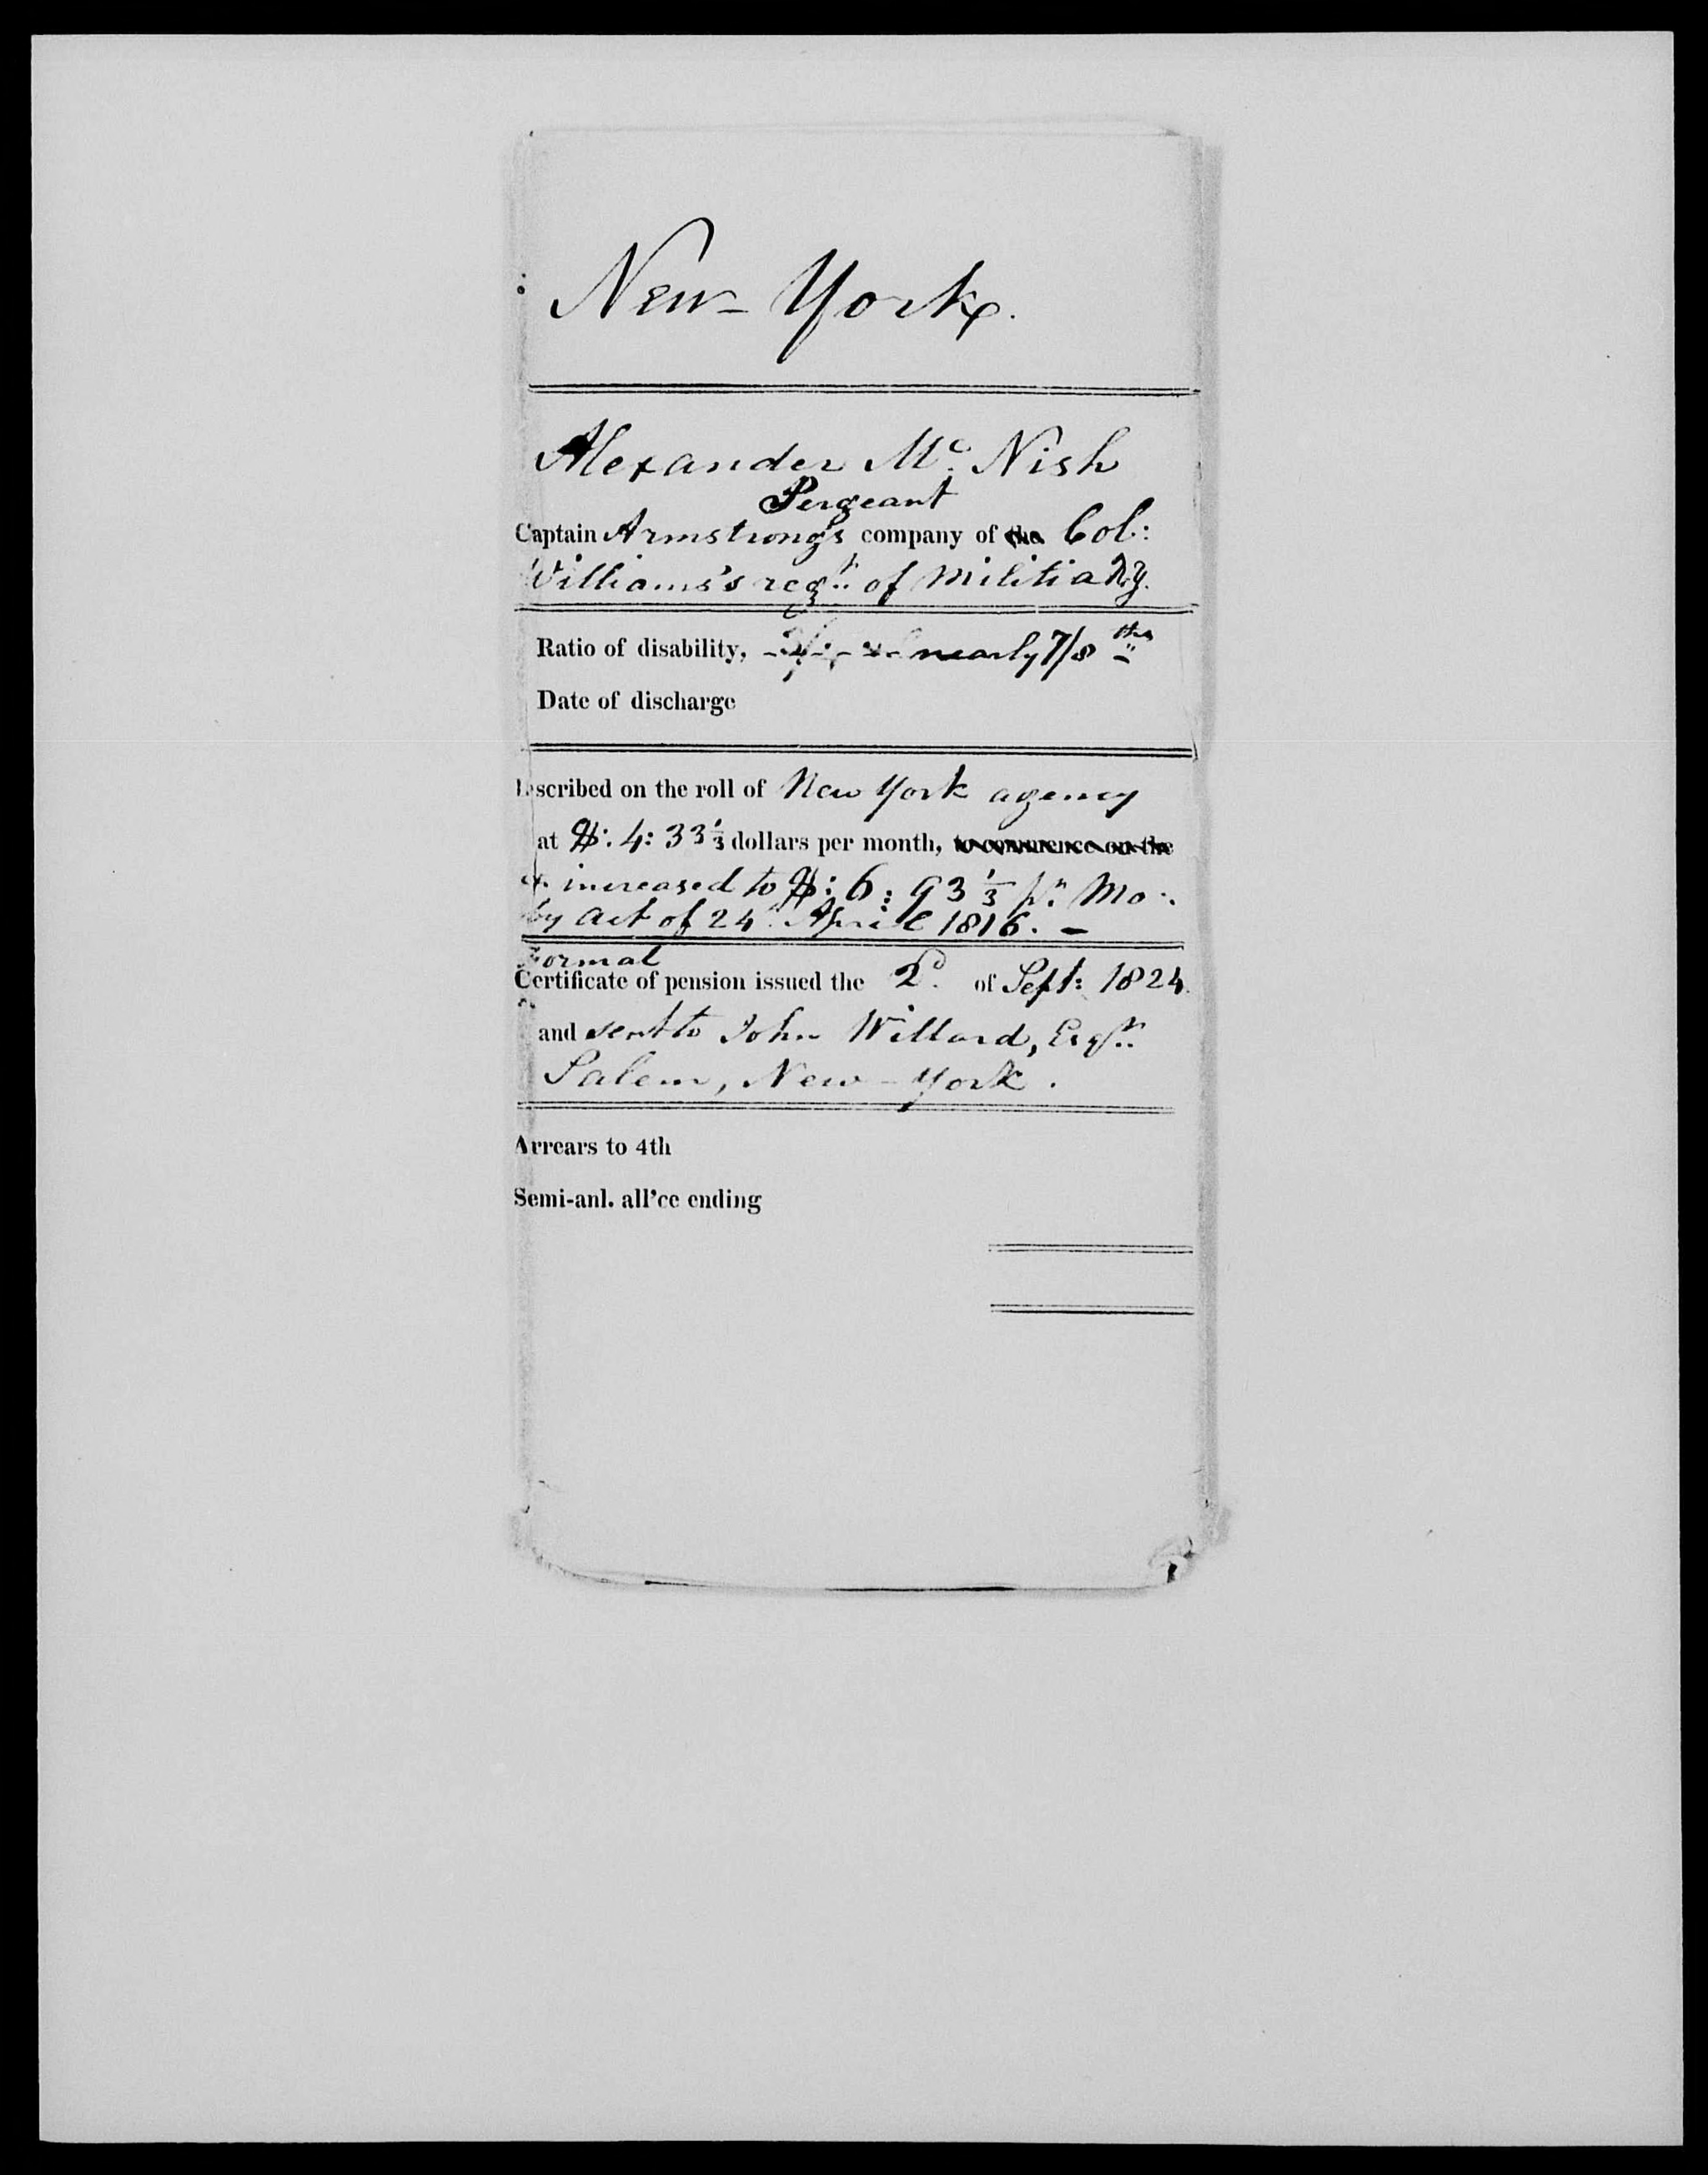New York

Alexander McNish
Sergeant
Captain Armstrong's company of Col. 
William's regt of militia NY

Ratio of disability (illegible) nearly 7/8
Date of discharge

Inscribed on the roll of New York agency
at $:4.33 1/3 dollars per month, 
increased to $:6.93 1/3 per mo
by Act of 24 April 1816

Formal 
Certificate of pension issued the 2d of Sept 1824
and sent to John Willard, Esq. 
Salem, New York 

Arrears to 4th
Semi-anl. all'ce ending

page: 2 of 42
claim: widow's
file: W. 23,937 S. 28094, for Alexander Mc Nish, New York